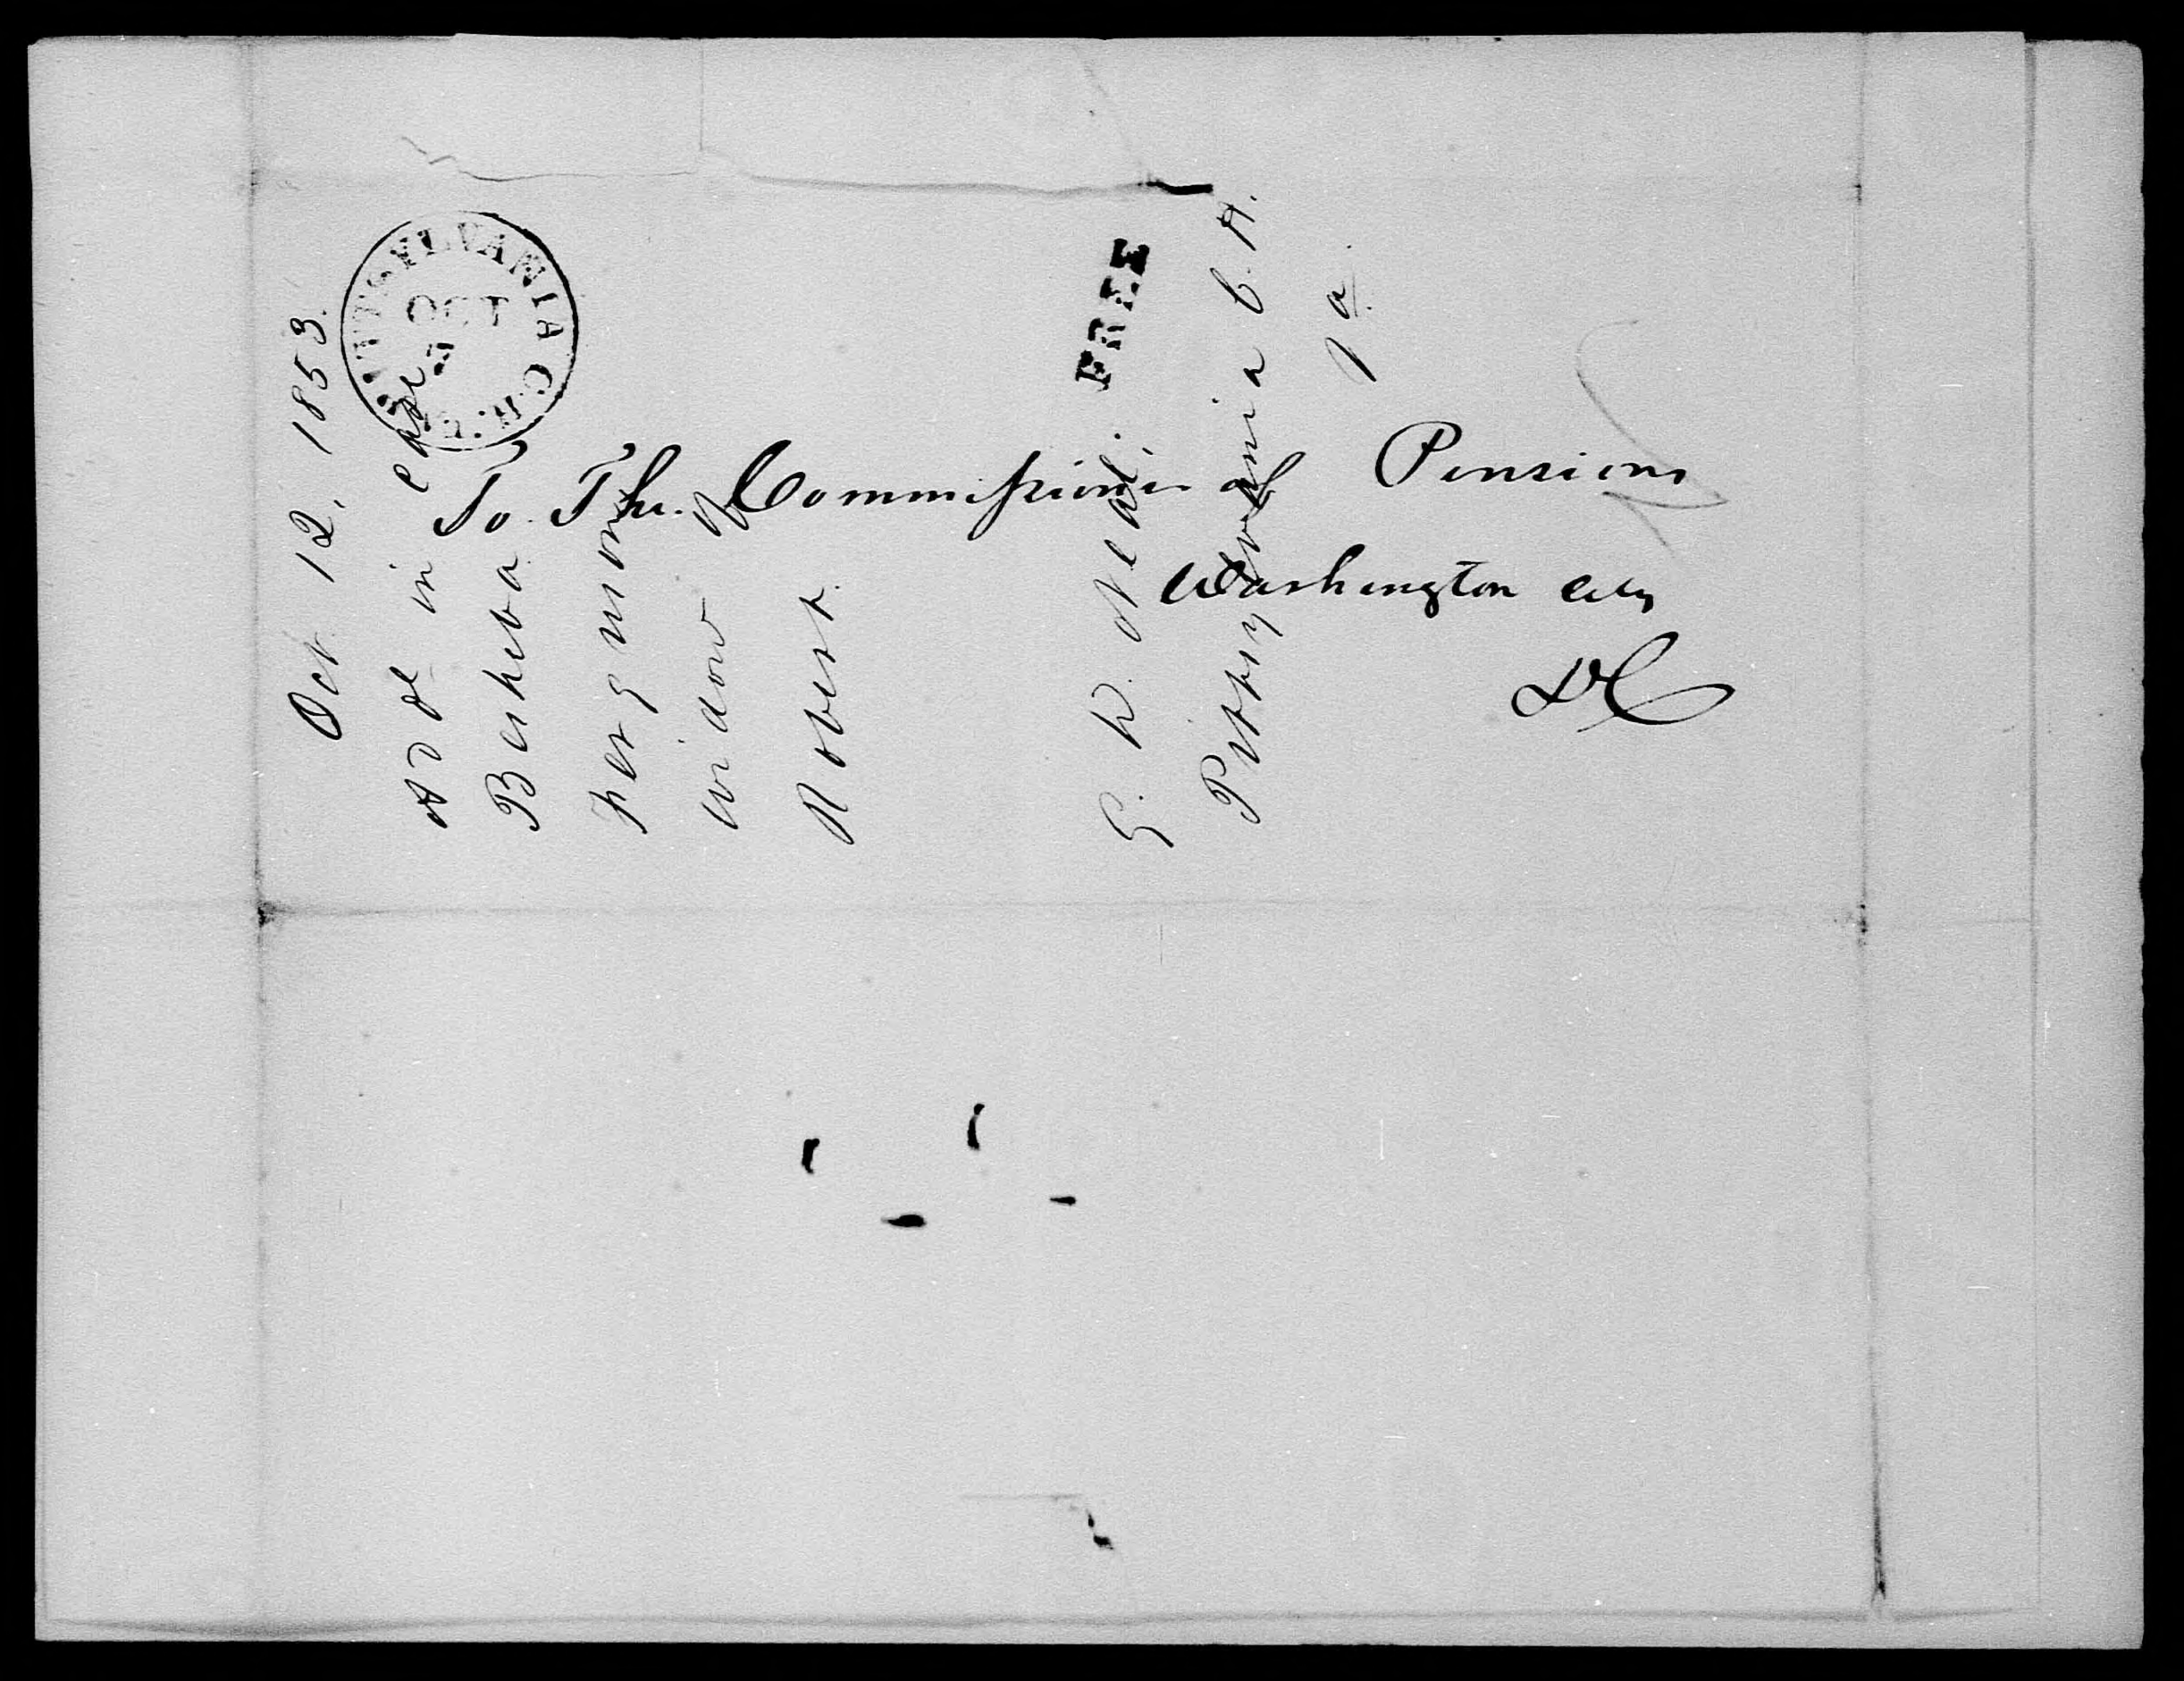[Postmark} Pittsylvania C.H.
FREE
To The Commissioner of Pensions
Washington City DC
Oct 12, 1853
A[illegible] in case Besheba Ferguson widow of Robert.
G. D. Neal Pittsylvania C.H.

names: Robert Ferguson, G D Neal, Besheba Ferguson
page: 60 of 81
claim: widow's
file: W. 7262, Robert Ferguson, Va.